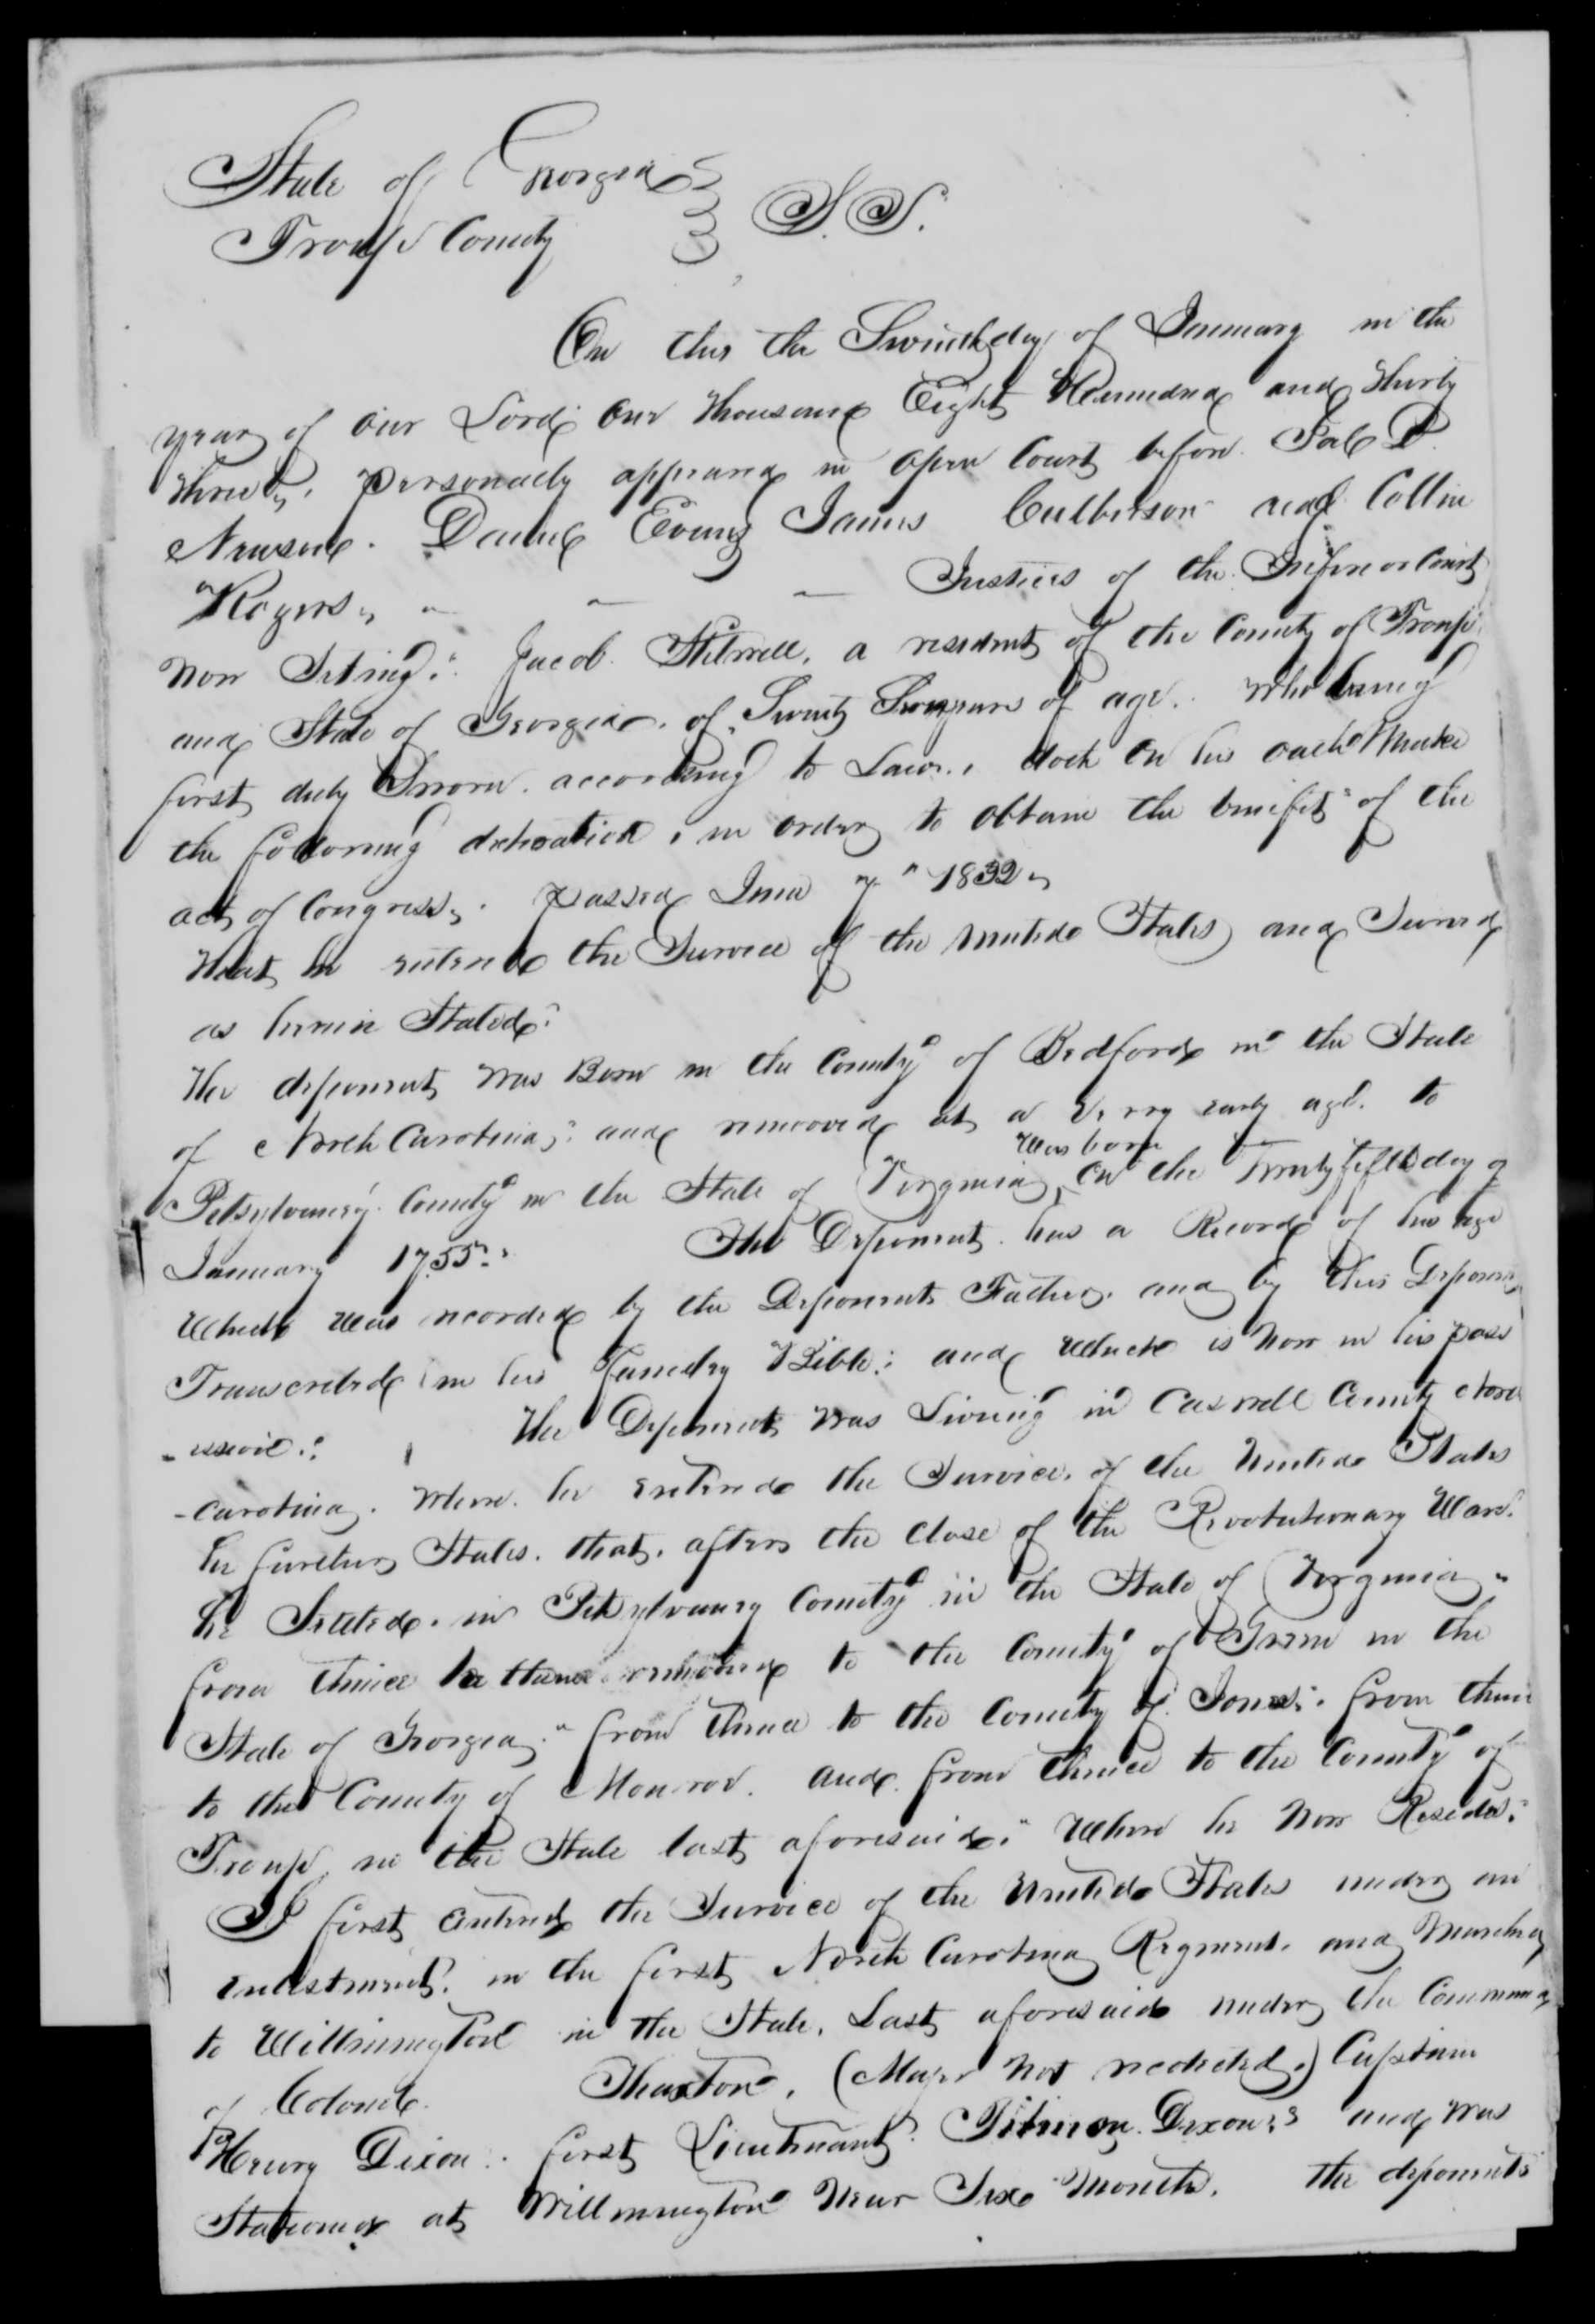State of George
Troup County   S.S. 
On this the Twentith day of January in the
year of our Lord one thousand Eight Hundred and Thirty
Three,
personally appear in open Court before J of P
Newson Daniel Evens James Culberson and Collin
Rogers
Justices of the Inferior Court
now Sitting Jacob Stilwell, a resident of the County of Troup
and State of Georgia of Seventy seven years of age who being
first duly Sworn according to Law doth on his oath make
the following declaration, in order to obtain the benefit of the
act of Congress, passed June 7, 1832
That he entered the service of the militia  States, and Served
as herein Stated
The deponent was born in the County of Bedford in the State of
North Carolina and served at a very early age to
Petersburg County in the State of Virginia. Was born on the twenty fifth day of
January
1755.
The Deponent has a Record of his age
which was recorded by the Deponents Father and by this Deponent
Transcribed in his family Bible; and which is now in his possession
the Deponent was living in Caswell County North
Carolina when he entered the service of the United States
he further states that after the close of the Revolutionary War
he settled in Petersburg County in the State of Virginia
from thence he [illegible] moving  to the County of Grim in the state of Georgia,  from there to the county of Jones County from there to the County of Monroe and from there to the County of
Troup in the State last aforesaid, where he now resides.

I first entered the service of the United States making an enlistment in the first North Carolina Regiment and marching to Wilmington in the state last aforesaid under the command of Colonel Thaxton. (major not recollected.) Captain Henry Dixon, first Lieutenant Tilmon Dixon's and was stationed at Wilmington Near Six months,
the deponents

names: [BLANK] Thaxton; Tilmon Dixon; James Culberson; Daniel Evans; Collin Rogers; Joel D Newson; Henry Dixon; Jacob Stilwell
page: 6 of 25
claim: survivor's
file: S. 31,993, for Jacob Stillwell, North Carolina